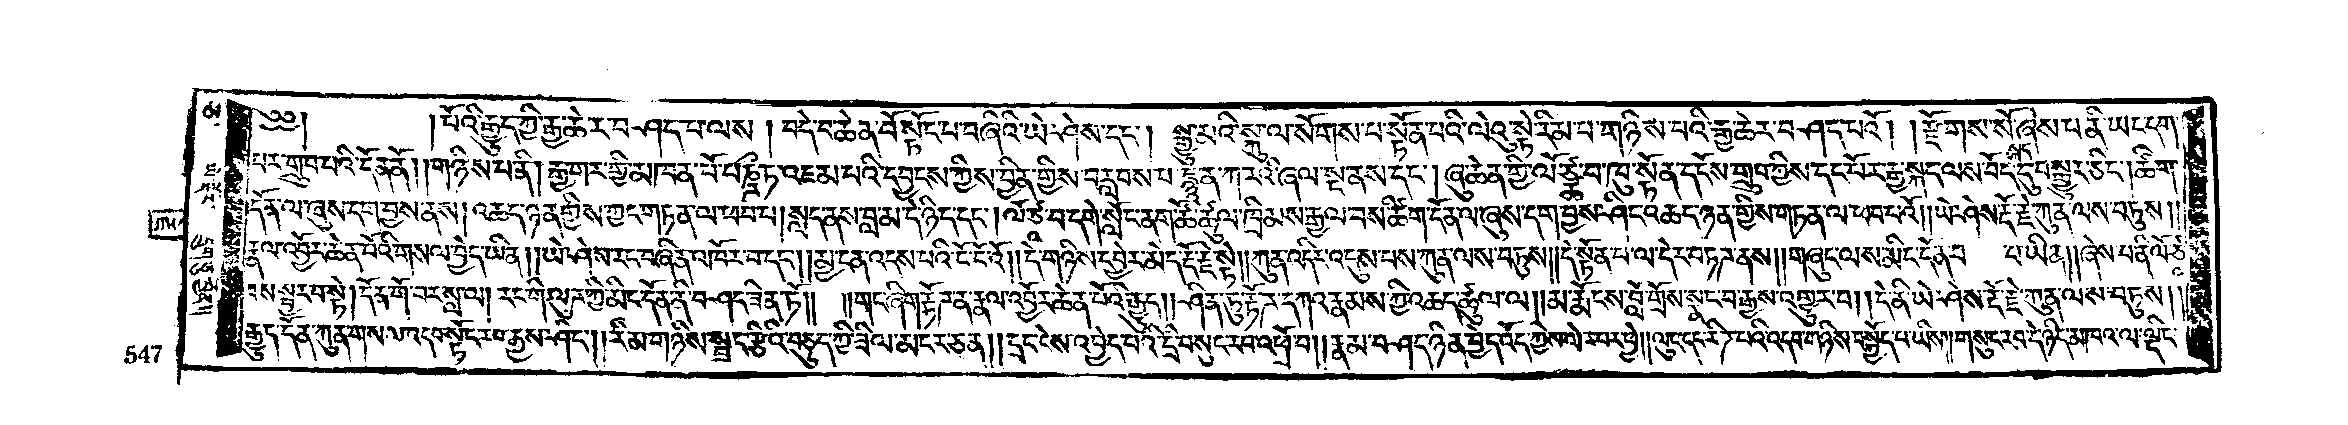༄༅། །པོའི་རྒྱུད་ཀྱི་རྒྱ་ཆེར་བཤད་པ་ལས། བདེ་བ་ཆེན་པོ་སྟོང་པ་བཞིའི་ཡེ་ཤེས་དང་། སྒྱུ་མའི་སྐུ་ལ་སོགས་པ་སྟོན་པའི་ལེའུ་སྟེ་རིམ་པ་གཉིས་པའི་རྒྱ་ཆེར་བཤད་པའོ། །རྫོགས་སོ་ཞེས་པ་ནི་ཡང་དག་
པར་གྲུབ་པའི་དོན་ནོ། །གཉིས་པ་ནི། རྒྱ་གར་གྱི་མཁན་པོ་པཎྜི་ཏ་འཇམ་པའི་དབྱངས་ཀྱིས་བྱིན་གྱིས་བརླབས་པ་ཛྙཱ་ན་ཀ་རའི་ཞལ་སྔ་ནས་དང་། ཞུ་ཆེན་གྱི་ལོ་ཙྪ་བ་ཁུ་སྟོན་དངོས་གྲུབ་ཀྱིས་དང་པོར་རྒྱ་སྐད་ལས་བོད་སྐད་དུ་བསྒྱུར་ཅིང་། ཚིག་
དོན་ལ་ཞུས་དག་བྱས་ནས། འཆད་ཉན་གྱིས་ཀྱང་གཏན་ལ་ཕབ་པ། སླད་ནས་བླ་མ་དེ་ཉིད་དང་། ལོ་ཙཱ་བ་དགེ་སློང་ནག་ཚོ་ཚུལ་ཁྲིམས་རྒྱལ་བས་ཚིག་དོན་ལ་ཞུས་དག་བྱས་ཤིང་འཆད་ཉན་གྱིས་གཏན་ལ་ཕབ་པའོ། །ཡེ་ཤེས་རྡོ་རྗེ་ཀུན་ལས་བཏུས། །
རྣལ་འབྱོར་ཆེན་པོའི་གསལ་བྱེད་ཡིན། །ཡེ་ཤེས་རང་བཞིན་འཁོར་བ་དང་། །མྱ་ངན་འདས་པའི་ངོ་བོའོ། །དེ་གཉིས་དབྱེར་མེད་རྡོ་རྗེ་སྟེ། །ཀུན་འདིར་འདུས་པས་ཀུན་ལས་བཏུས། །དེ་སྟོན་པ་ལ་དེར་བཏགས་ནས། །གཞུང་ལས་མིང་དོན་བ་?་པ་ཡིན། །ཞེས་པ་ནི་ལོ་ཙཱ་
བས་སྦྱར་བ་སྟེ། དོན་གོ་བར་སླ་ལ། རང་གི་ལུགས་ཀྱི་མིང་དོན་ནི་བཤད་ཟིན་ཏོ།། །།གང་ཞིག་རྟོགས་ན་རྣལ་འབྱོར་ཆེན་པོའི་རྒྱུད། །ཤིན་ཏུ་རྟོགས་དཀའ་རྣམས་ཀྱི་འཆད་ཚུལ་ལ། །མ་རྨོངས་བློ་གྲོས་སྣང་བ་རྒྱས་འགྱུར་བ། །དེ་ནི་ཡེ་ཤེས་རྡོ་རྗེ་ཀུན་ལས་བཏུས། །
རྒྱུད་དོན་ཀུན་གསལ་འདབ་སྟོང་རབ་རྒྱས་ཤིང་། །རིམ་གཉིས་སྦྲང་རྩིའི་བཅུད་ཀྱི་ཟིལ་མངར་ཅན། །དྲང་ངེས་འབྱེད་པའི་དྲི་བསུང་རབ་འཕྲོ་བ། །རྣམ་བཤད་ཉིན་བྱེད་འོད་ཀྱིས་ལེགས་པར་ཕྱེ། །ལུང་དང་རིགས་པའི་འདབ་གཉིས་བསྐྱོད་པ་ཡིས། །གསུང་རབ་དེ་ཉིད་མཁའ་ལ་ལྡིང་